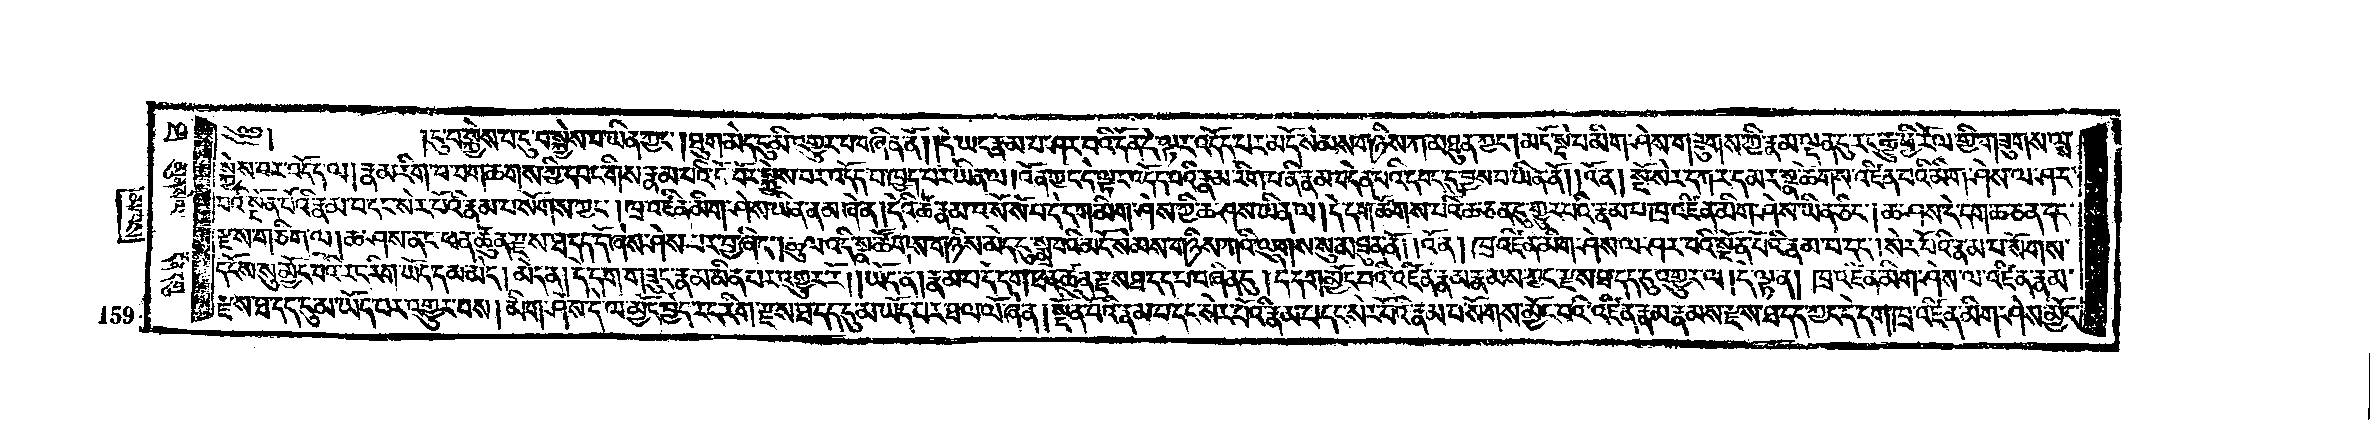༄༅། །དུ་བ་སྐྱེས་པ་དུ་བ་སྐྱེས་པ་ཡིན་ཀྱང་། ཐུག་མེད་དུ་མི་འགྱུར་བ་བཞིན་ནོ། །དེ་ཡང་རྣམ་པ་ཤར་བའི་དོན་དེ་ལྟར་འདོད་པར་མདོ་སེམས་གཉིས་ཀ་མཐུན་ཀྱང་། མདོ་སྡེ་པ་མིག་ཤེས་གཟུགས་ཀྱི་རྣམ་ལྡན་དུ་རང་རྒྱུ་ཕྱི་རོལ་གྱི་གཟུགས་ལས་
སྐྱེས་པར་འདོད་ལ། རྣམ་རིག་པ་བག་ཆགས་ཀྱི་དབང་གིས་རྣམ་པའི་ངོ་བོར་སྐྱེས་པར་འདོད་པ་ཁྱད་པར་ཡིན་ལ། འོན་ཀྱང་དེ་ལྟར་འདོད་པའི་རྣམ་རིག་པ་ནི་རྣམ་བདེན་པའི་དབང་དུ་བྱས་པ་ཡིན་ནོ། །འོ་ན། སྔོ་སེར་དཀར་དམར་སྣ་ཚོགས་འཛིན་པའི་མིག་ཤེས་ལ་ཤར་
བའི་སྔོན་པོའི་རྣམ་པ་དང་སེར་པོའི་རྣམ་པ་སོགས་ཀྱང་། ཁྲ་འཛིན་མིག་ཤེས་ཡིན་ནམ་ཞེ་ན། དེའི་ཚེ་རྣམ་པ་སོ་སོ་བ་དེ་དག་མིག་ཤེས་ཀྱི་ཆ་ཤས་ཡིན་ལ། དེ་དག་ཚོགས་པའི་ཆ་ཅན་དུ་གྱུར་པའི་རྣམ་པ་ཁྲ་འཛིན་མིག་ཤེས་ཡིན་ཅིང་། ཆ་ཤས་དེ་དག་ཆ་ཅན་དང་
རྫས་གཅིག་ལ། ཆ་ཤས་ནང་ཕན་ཚུན་རྫས་ཐ་དད་དོ་ཞེས་ཤེས་པར་བྱ་ཞིང་། ཚུལ་འདི་སྣ་ཚོགས་གཉིས་མེད་དུ་སྨྲ་བའི་མདོ་སེམས་གཉིས་ཀའི་ལུགས་སུ་མཐུན་ནོ། །འོ་ན། ཁྲ་འཛིན་མིག་ཤེས་ལ་ཤར་བའི་སྔོན་པོའི་རྣམ་པ་དང་། སེར་པོའི་རྣམ་པ་སོགས་
དངོས་སུ་མྱོང་བའི་རང་རིག་ཡོད་དམ་མེད། མེད་ན། དེ་དག་གཟུང་རྣམ་མིན་པར་འགྱུར་རོ། །ཡོད་ན། རྣམ་པ་དེ་དག་ཕན་ཚུན་རྫས་ཐ་དད་པ་བཞིན་དུ། དེ་དག་མྱོང་བའི་འཛིན་རྣམ་རྣམས་ཀྱང་ཐ་དད་དུ་འགྱུར་ལ། དེ་ལྟ་ན། ཁྲ་འཛིན་མིག་ཤེས་ལ་འཛིན་རྣམ་
རྫས་ཐ་དད་དུ་མ་ཡོད་པར་འགྱུར་བས། མིག་ཤེས་དེ་ལ་མྱོང་བྱེད་རང་རིག་རྫས་ཐ་དད་དུ་མ་ཡོད་པར་ཐལ་ལོ་ཞེ་ན། སྔོན་པོའི་རྣམ་པ་དང་སེར་པོའི་རྣམ་པ་དང་སེར་པོའི་རྣམ་པ་སོགས་མྱོང་བའི་འཛིན་རྣམ་རྣམས་རྫས་ཐ་དད་ཀྱང་དེ་དག་ཁྲ་འཛིན་མིག་ཤེས་མྱོང་